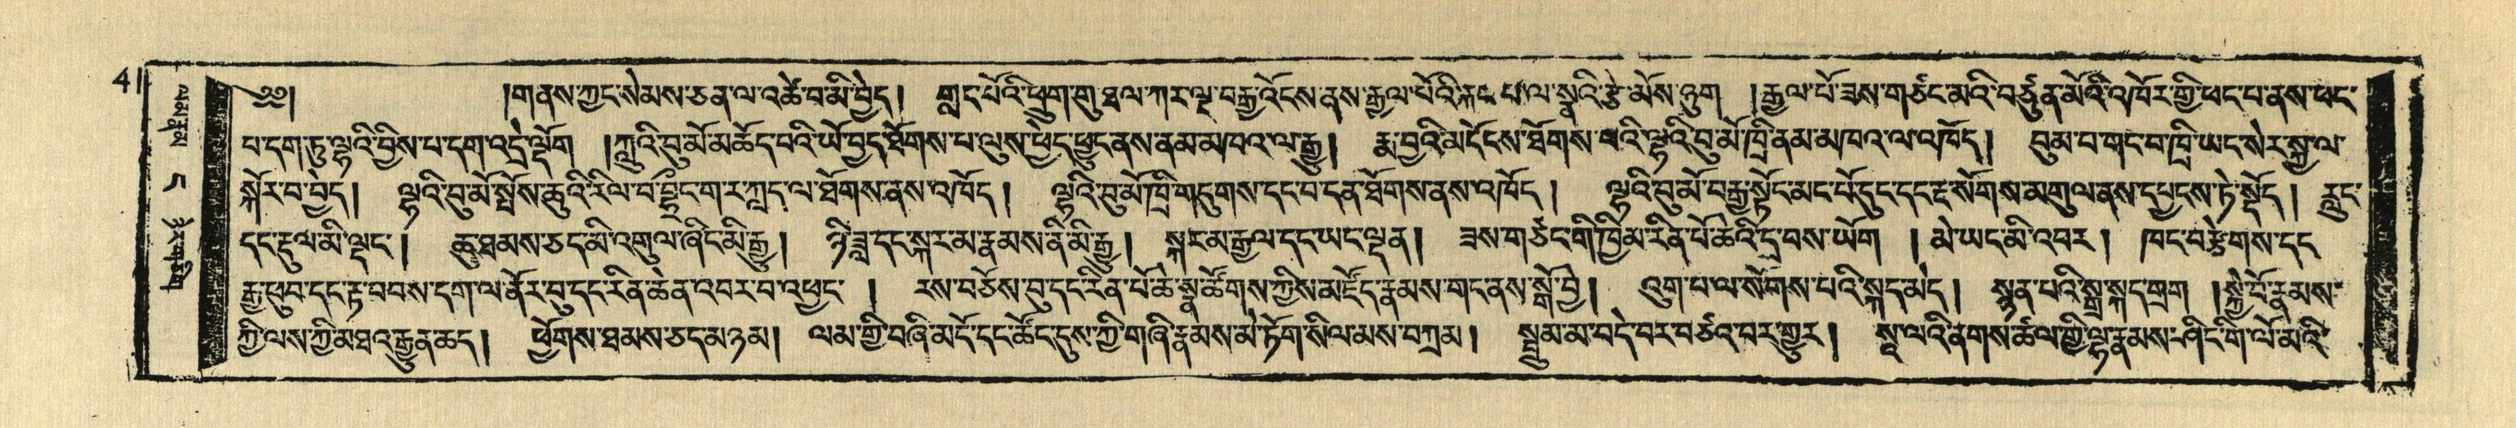༄༅། །གནས་ཀྱང་སེམས་ཅན་ལ་འཚེ་བ་མི་བྱེད། གླང་པོའི་ཕྲུག་གུ་ཐལ་ཀར་ལྔ་བརྒྱ་འོངས་ནས་རྒྱལ་པོའི་རྐང་པ་ལ་སྣའི་རྩེ་མོས་ཉུག །རྒྱལ་པོ་ཟས་གཙང་མའི་བཙུན་མོའི་འཁོར་གྱི་ཕང་པ་ནས་ཕང་
པ་དག་ཏུ་ལྷའི་བྱིས་པ་དག་འདྲེ་ལྡོག །ཀླུའི་བུ་མོ་མཆོད་པའི་ཡོ་བྱད་ཐོགས་པ་ལུས་ཕྱེད་ཕྱུང་ནས་ནམ་མཁའ་ལ་རྒྱུ། རྨ་བྱའི་མདོངས་ཐོགས་པའི་ལྷའི་བུ་མོ་ཁྲི་ནམ་མཁའ་ལ་འཁོད། བུམ་པ་གང་བ་ཁྲི་ཡང་སེར་སྐྱ་ལ་
སྐོར་བ་བྱེད། ལྷའི་བུ་མོ་སྤོས་ཆུའི་རིལ་བ་བྷྲྀང་ག་ར་ཀླད་ལ་ཐོགས་ནས་འཁོད། ལྷའི་བུ་མོ་ཁྲི་གདུགས་དང་བ་དན་ཐོགས་ནས་འཁོད། ལྷའི་བུ་མོ་བརྒྱ་སྟོང་མང་པོ་དུང་དང་རྔ་སོགས་མགུལ་ནས་དཔྱངས་ཏེ་སྡོད། རླུང་
དང་རྡུལ་མི་ལྡང་། ཆུ་ཐམས་ཅད་མི་འགུལ་ཞིང་མི་རྒྱུ། ཉི་ཟླ་དང་སྐར་མ་རྣམས་ནི་མི་རྒྱུ། སྐར་མ་རྒྱལ་དང་ཡང་ལྡན། ཟས་གཙང་གི་ཁྱིམ་རིན་པོ་ཆེའི་དྲ་བས་ཡོག །མེ་ཡང་མི་འབར། ཁང་བརྩེགས་དང་
རྒྱ་ཕུབ་དང་རྟ་བབས་དག་ལ་ནོར་བུ་དང་རིན་ཆེན་འབར་བ་འཕྱང་། རས་བཅོས་བུ་དང་རིན་པོ་ཆེ་སྣ་ཚོགས་ཀྱིས་མཛོད་རྣམས་གང་ནས་སྒོ་བྱེ། འུག་པ་ལ་སོགས་པའི་སྐད་མེད། སྙན་པའི་སྒྲ་སྐད་གྲག །སྐྱེ་བོ་རྣམས་
ཀྱི་ལས་ཀྱི་མཐའ་རྒྱུན་ཆད། ཕྱོགས་ཐམས་ཅད་མཉམ། ལམ་གྱི་བཞི་མདོ་དང་ཚོང་དུས་ཀྱི་གཞི་རྣམས་མེ་ཏོག་སིལ་མས་བཀྲམ། སྦྲུམ་མ་བདེ་བར་བཙའ་བར་གྱུར། སཱ་ལའི་ནགས་ཚལ་གྱི་ལྷ་རྣམས་ཤིང་གི་ལོ་མའི་